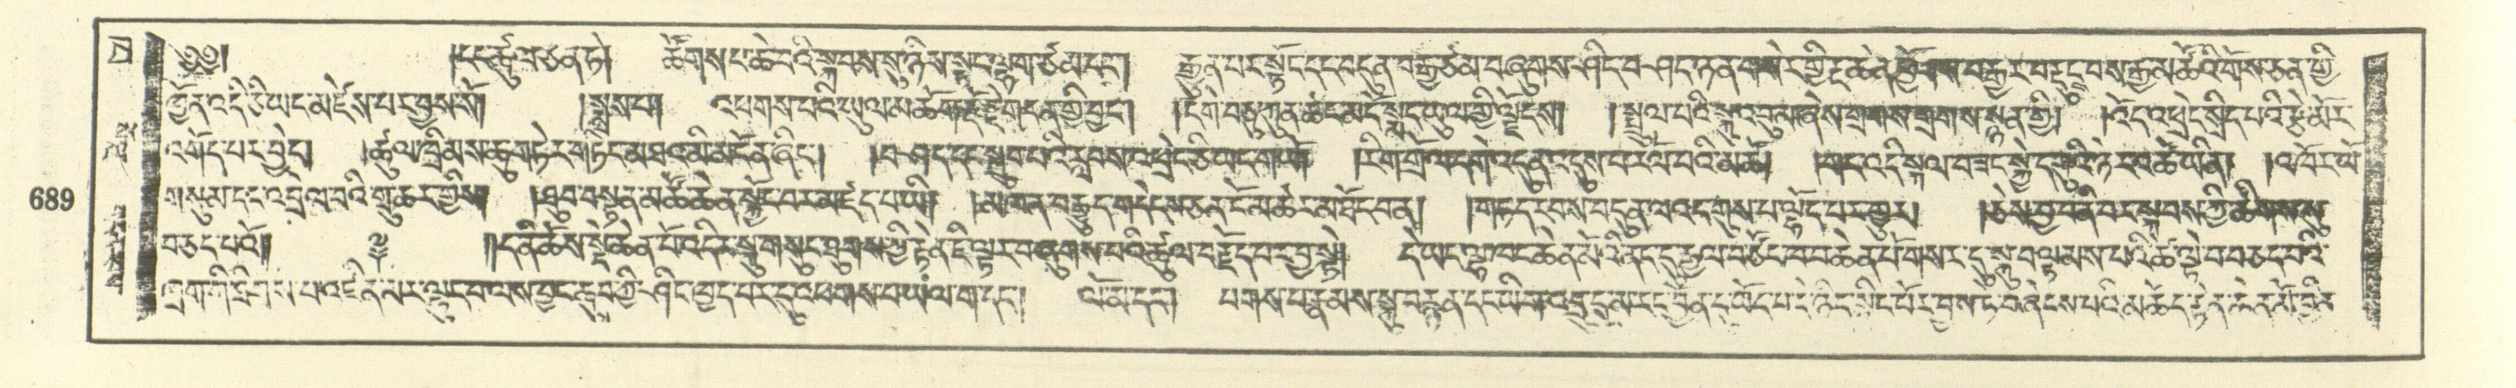༄༅། །དང་ཚུལ་ཅན་ཏེ། ཚོགས་པ་ཆེ་བའི་སྐབས་སུ་ཉིས་སྟོང་ལྷག་ཙམ་དང་། རྒྱུན་པར་སྟོང་དང་བདུན་བརྒྱ་ཙམ་བཞུགས་ཤིང་བཤད་ཉན་གསེར་གྱི་རྔ་ཆེན་ཕྱོགས་བརྒྱར་བརྡུངས་པས་རྒྱ་མཚོའི་གོས་ཅན་གྱི་
ཁྱོན་འདི་ཅི་ཡང་མཛེས་པར་བྱས་སོ། །སྨྲས་པ། འཕགས་པའི་ཡུལ་མཆོག་རྡོ་རྗེ་གདན་གྱི་བྱང་། །དགེ་བཅུ་ཀུན་ཚང་མདོ་སྨད་ཡུལ་གྱི་ལྗོངས། །སྤྲུལ་པའི་སྐུ་འབུམ་ཞེས་གྲགས་གྲགས་སྙན་གྱི། །འོད་འཕྲེང་སྲིད་པའི་རྩེ་མོར་
འགོད་པར་བྱེད། །ཚུལ་ཁྲིམས་ཆུ་གཏེར་གཏིང་མཐའ་མི་མངོན་ཞིང་། །བཤད་དང་སྒྲུབ་པའི་རླབས་འཕྲེང་ཅི་ཡང་གཡོ། །རིག་གྲོལ་དགེ་འདུན་འདུས་པ་རོལ་པའི་མཚོ། །གང་འདི་སྐལ་བཟང་སྐྱེ་དགུའི་ཉེར་འཚོ་ཡིན། །འཁོར་ལོ་
གསུམ་དང་འབྲེལ་བའི་གྲུ་ཆར་གྱིས། །ཐུབ་བསྟན་མཚོ་ཆེན་སྐྱོང་བར་མཛད་པ་ཡི། །མཁན་བརྒྱུད་གདེངས་ཅན་ངོ་མཚར་མཐོང་བ་ན། །གཏད་རབས་བདུན་ལའང་གུས་པ་ལྷོད་པར་གྱུར། །ཅེས་བྱ་བ་ནི་བར་སྐབས་ཀྱི་ཚིགས་སུ་
བཅད་པའོ།། ༈ །།ད་ནི་ཆོས་སྡེ་ཆེན་པོ་འདིར་སྐུ་གསུང་ཐུགས་ཀྱི་རྟེན་ཇི་ལྟར་བཞུགས་པའི་ཚུལ་བརྗོད་པར་བྱ་སྟེ། དེ་ཡང་ལྷ་ཁང་ཆེན་མོའི་ནང་དུ་རྒྱལ་བཙོང་ཁ་བ་ཆེན་པོ་གསར་དུ་སྐུ་བལྟམས་པའི་ཚེ་ལྟེ་བ་བཅད་པའི་
ཁྲག་གི་ཐིག་ས་པ་འཛིན་མར་ལྷུང་བ་ལས་བྱང་ཆུབ་ཀྱི་ཤིང་ཁྱད་པར་དུ་འཕགས་པ་ཡལ་ག་དང་། ལོ་མ་དང་། པགས་པ་རྣམས་སྐུ་བརྙན་དང་ཡིག་འབྲུ་དུ་མ་རང་བྱོན་དུ་ཡོད་པ་དེ་ཉིད་སྙིང་པོར་བྱས་ཏེ་བཞེངས་པའི་མཆོད་རྟེན་ཆེན་མོ་བྱིན་